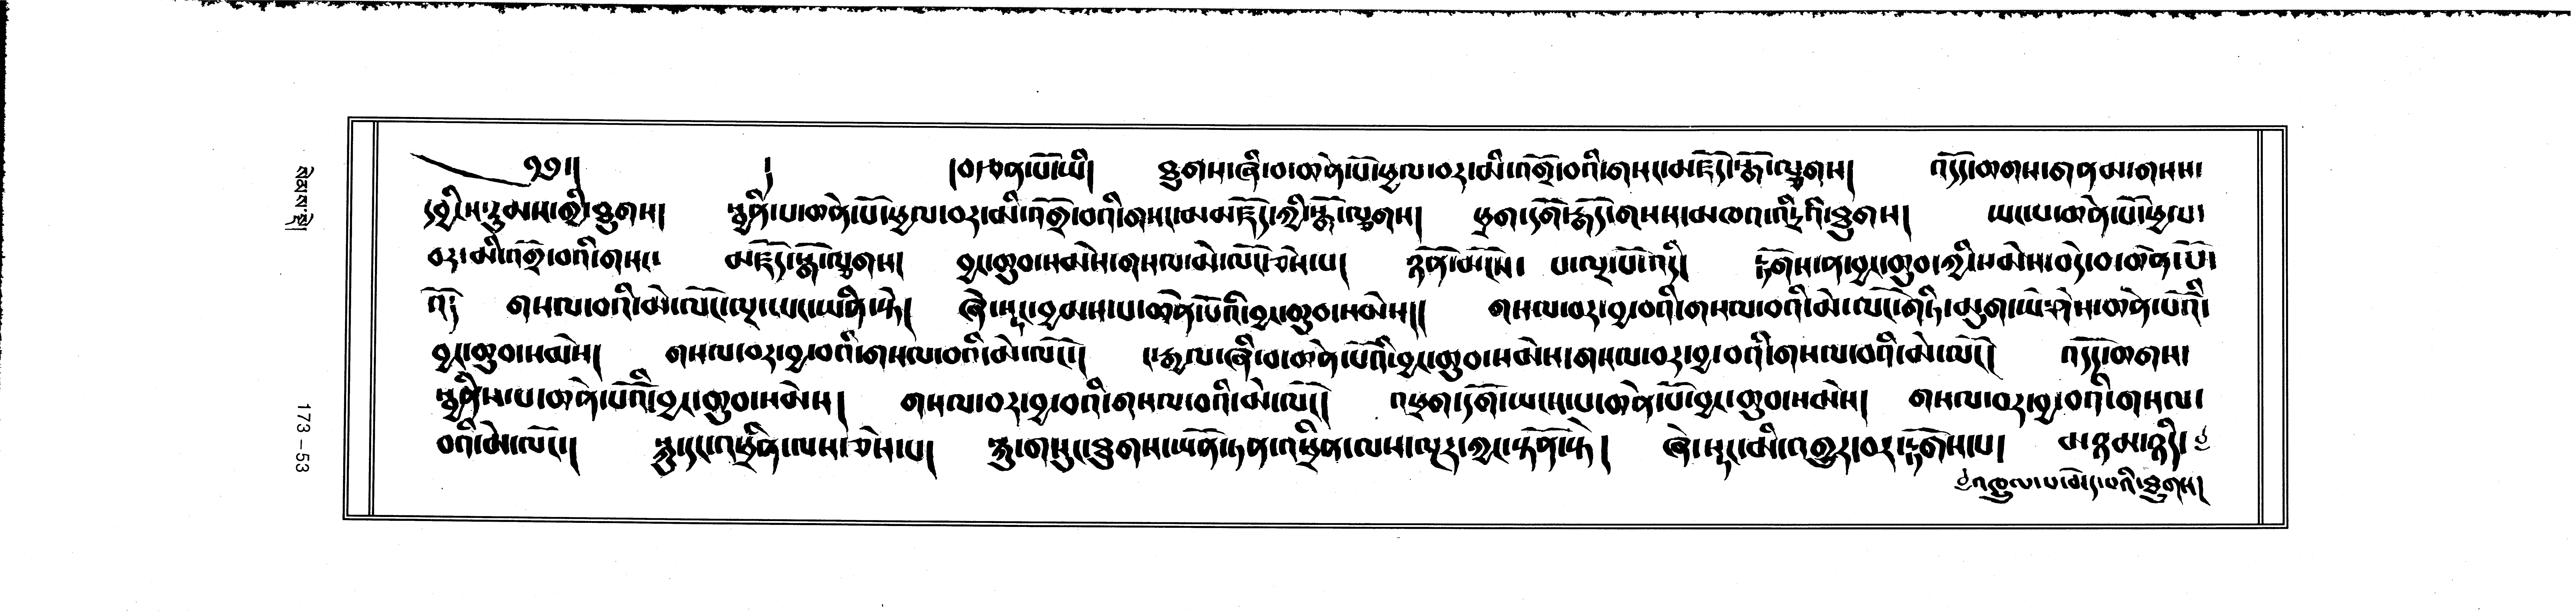བཙན་པོ་ཡི། ཐུགས་ཞི་བ་ཆེན་པོ་ཕྱལ་བར་མི་འགྲོ་བའི་གསང་མཛོད་སྒོ་ལྕགས། འདོད་ཆགས་གནམ་གསས་
དབྱིངས་རུམ་གྱི་ཐུགས། སྦྱིན་པ་ཆེན་པོ་ཕྱལ་བར་མི་འགྲོ་བའི་གསང་མཛོད་སྒོ་ལྕགས། ཕྲག་དོག་རྒོད་གསས་མཁའ་འདྲའི་ཐུགས། ཡངས་པ་ཆེན་པོ་ཕྱལ་
བར་མི་འགྲོ་བའི་གསང་མཛོད་སྒོ་ལྕགས། བྱང་ཆུབ་སེམས་གསལ་མེ་ལོང་ཅེས་པ། ཉོན་མོངས་པ་ལྔ་པོ་འདི། རྟོགས་ན་བྱང་ཆུབ་ཀྱི་སེམས་བདེ་བ་ཆེན་པོ
འོ་བྱང་ཆུབ་སེམས། གསལ་བར་བྱ་བའི་གསལ་བའི་མེ་ལོང་། གཏི་མུག་ཡེ་ཤེས་ཆེན་པོའི་
གསལ་བར་བྱ་བའི་གསལ་བའི་མེ་ལོང་། ང་རྒྱལ་ཞི་བ་ཆེན་པོའི་བྱང་ཆུབ་སེམས་གསལ་བར་བྱ་བའི་གསལ་བའི་མེ་ལོང་། འདོད་ཆགས་
སྦྱིན་པ་ཆེན་པོའི་བྱང་ཆུབ་སེམས། གསལ་བར་བྱ་བའི་གསལ་བའི་མེ་ལོང་། ཕྲག་དོག་ཡངས་པ་ཆེན་པོའི་བྱང་ཆུབ་སེམས། གསལ་བར་བྱ་བའི་གསལ་
བའི་མེ་ལོང་། སྐུ་དང་ཕྲིན་ལས་ཅེས་པ། སྐུ་གསུང་ཐུགས་ཡོན་ཏན་ཕྲིན་ལས་ལྔར་ཀྱང་སྟོན་ཏེ། ཞེ་སྡང་མི་འགྱུར་གསལ་བར་རྟོགས་པ། མཉམ་ཉིད་འཁྲུལ་པ་མེད་པའི་ཐུགས།